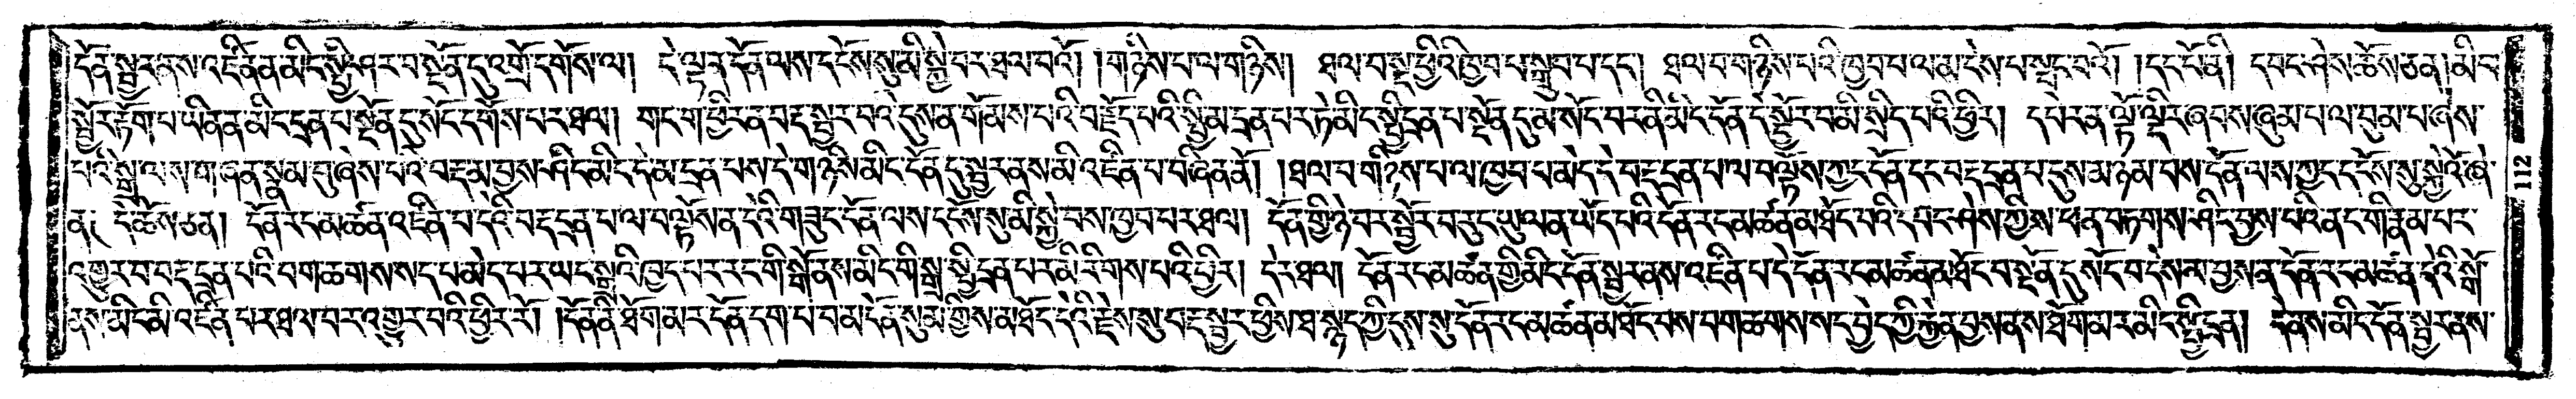དོན་སྦྱར་ནས་འཛིན་ན་མིང་སྤྱི་ཤར་བ་སྔོན་དུ་འགྲོ་དགོས་ལ། དེ་ལྟ་ན་དོན་ལས་དངོས་སུ་མི་སྐྱེ་བར་ཐལ་བའོ། །གཉིས་པ་ལ་གཉིས། ཐལ་བ་སྔ་ཕྱིའི་ཁྱབ་པ་སྒྲུབ་པ་དང་། ཐལ་བ་གཉིས་པའི་ཁྱབ་པ་ལ་མ་ངེས་པ་སྤང་བའོ། །དང་པོ་ནི། དབང་ཤེས་ཆོས་ཅན། མིང་
སྦྱོར་རྟོག་པ་ཡིན་ན་མིང་དྲན་པ་སྔོན་དུ་སོང་དགོས་པར་ཐལ། གང་ག་ཕྱིར་ན་བརྡ་སྦྱར་བའི་དུས་ན་གོམས་པའི་བརྗོད་པའི་སྤྱི་མ་དྲན་པར་ཏེ་མིང་སྤྱི་དྲན་པ་སྔོན་དུ་མ་སོང་བར་ནི་མིང་དོན་དེ་སྦྱོར་བ་མི་སྲིད་པའི་ཕྱིར། དཔེར་ན་ལྟོ་ལྡིར་ཞབས་ཞུམ་པ་ལ་བུམ་པ་ཞེས་
པའི་སྒྲ་ལས་གཞན་སྣམ་བུ་ཞེས་པའི་བརྡ་མ་བྱས་ཤིང་མིང་དེ་མ་དྲན་པས་དེ་གཉིས་མིང་དོན་དུ་སྦྱར་ནས་མི་འཛིན་པ་བཞིན་ནོ། །ཐལ་བ་གཉིས་པ་ལ་ཁྱབ་པ་མེད་དེ་བརྡ་དྲན་པ་ལ་བལྟོས་ཀྱང་དོན་དང་བརྡ་དྲན་པ་དུས་མཉམ་པས་དོན་ལས་ཀྱང་དངོས་སུ་སྐྱེའོ་ཞེ་
ན། དེ་ཆོས་ཅན། དོན་རང་མཚན་འཛིན་པ་དེའི་བརྡ་དྲན་པ་ལ་བལྟོས་ན་དེའི་གཟུང་དོན་ལས་དངོས་སུ་མི་སྐྱེ་བས་ཁྱབ་པར་ཐལ། དོན་གྱི་ཉེ་བར་སྦྱོར་བ་རུང་ཡུལ་ན་ཡོད་པའི་དོན་རང་མཚན་མཐོང་བའི་དབང་ཤེས་ཀྱིས་ཕན་བཏགས་ཤིང་བྱས་པའི་ནང་གི་རྣམ་པར་
འགྱུར་བ་བརྡ་དྲན་པའི་བག་ཆགས་སད་པ་མེད་པར་ཡང་སྒྲའི་ཁྱད་པར་རང་གི་སྒོ་ནས་མིང་གི་སྒྲ་སྤྱི་དྲན་པར་མི་རིགས་པའི་ཕྱིར། དེར་ཐལ། དོན་རང་མཚན་གྱི་མིང་དོན་སྦྱར་ནས་འཛིན་པ་དེ་དོན་རང་མཚན་མཐོང་བ་སྔོན་དུ་སོང་བ་དེས་མ་བྱས་ན་དོན་རང་མཚན་དེའི་སྒོ་
ནས་མིང་མི་འཛིན་པར་ཐལ་བར་འགྱུར་བའི་ཕྱིར་རོ། །དོན་ནི་ཐོག་མར་དོན་དག་པ་བ་མངོན་སུམ་གྱིས་མཐོང་དེའི་རྗེས་སུ་བརྡ་སྦྱར་ཕྱིས་ཐ་སྙད་ཀྱི་དུས་སུ་དོན་རང་མཚན་མཐོང་བས་བག་ཆགས་སད་བྱེད་ཀྱི་རྐྱེན་བྱས་ནས་ཐོག་མར་མིང་སྤྱི་དྲན། དེ་ནས་མིང་དོན་སྦྱར་ནས་